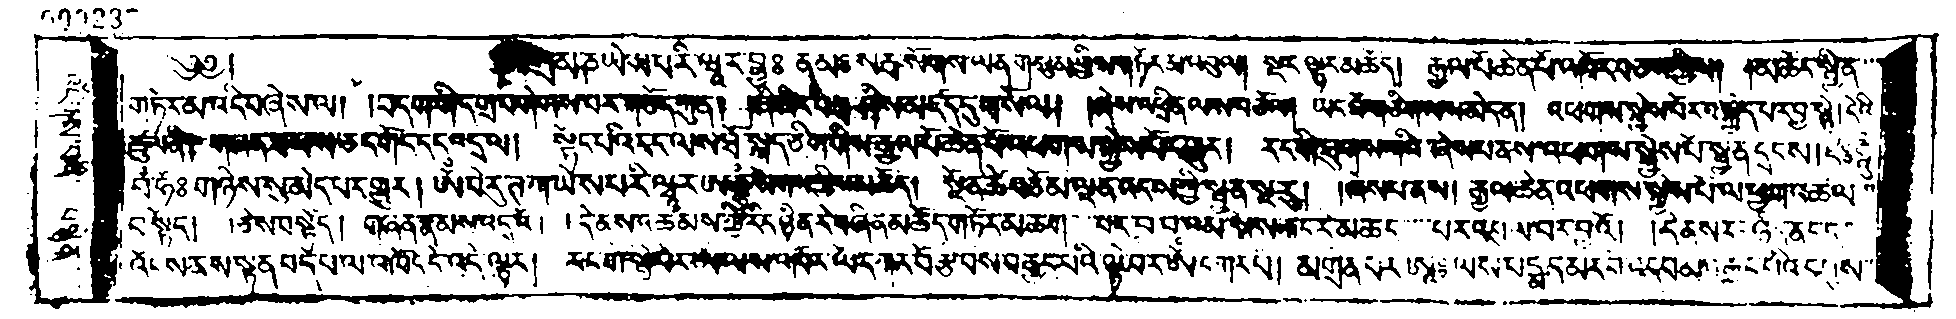༄༅། །བཻ་ཤྲམ་ཎ་ཡེ་ས་པ་རི་ཝཱ་ར་བྷྱཿ ན་མཿ སརྦ་སོགས་ལན་གསུམ་གྱིས་གཏོར་མ་འབུལ། སྔར་ལྟར་མཆོད། རྒྱལ་པོ་ཆེན་པོ་འཁོར་བཅས་ཀྱིས། །མཆོད་སྦྱིན་
གཏོར་མ་འདི་བཞེས་ལ། །བདག་གི་དགྲ་བགེགས་བར་གཅོད་ཀུན། །ཞི་ཞིང་བཀྲ་ཤིས་མཛད་དུ་གསོལ། །ཞེས་འཕྲིན་ལས་བཅོལ། ཡང་ཐོ་གཅིག་ལས་མེད་ན། འཕགས་སྐྱེས་པོར་བསྐྱེད་པར་བྱ་སྟེ། དེའི་
ཚུལ་ནི། གཞན་ཐམས་ཅད་གོང་དང་འདྲ་ལ། སྟོང་པའི་ངང་ལས་ཐོ་སྐད་ཅིག་གིས་རྒྱལ་པོ་ཆེན་པོ་འཕགས་སྐྱེས་པོར་གྱུར། རང་གི་ཐུགས་ཀའི་ཞེས་པ་ནས་འཕགས་སྐྱེས་པོ་སྤྱན་དྲངས། ཛཿ ཧཱུཾ་
བཾ་ཧོཿ གཉིས་སུ་མེད་པར་གྱུར། ཨོཾ་བེ་རུ་ཊ་ཀ་ཡེ་ས་པ་རི་ཝྭཱ་ར་ཨརྒྷཾ་སོགས་ཀྱིས་མཆོད། སྔོན་ཚེ་བཅོམ་ལྡན་འདས་ཀྱི་སྤྱན་སྔ་རུ། །ཞེས་པ་ནས། རྒྱལ་ཆེན་འཕགས་སྐྱེས་པོ་ལ་ཕྱག་འཚལ་
བསྟོད། ། ཅེས་བསྟོད། གཞན་རྣམས་འདྲའོ།  །དེ་ནས་འཚམས་ཀྱི་རིང་ཉིན་རེ་བཞིན་མཆོད་གཏོར་མ་ཆག་པར་བྱ་བའམ་སྤོས་རྐང་རེ་མ་ཆད་པར་འབུལ་བར་བྱའོ། །དེ་ནས་རང་ཉིད་ནང་དུ་
འོངས་ནས་སྟན་བདེ་བ་ལ་འཁོད་དེ་འདི་ལྟར། རང་གི་སྤྱི་བོར་ཨོཾ་ལས་འཁོར་ལོ་དཀར་པོ་རྩིབས་བརྒྱད་པའི་ལྟེ་བར་ཨོཾ་དཀར་པོ། མགྲིན་པར་ཨཱཿ ལས་པདམ་དམར་པོ་འདབ་མ་བརྒྱད་པའི་དབུས་